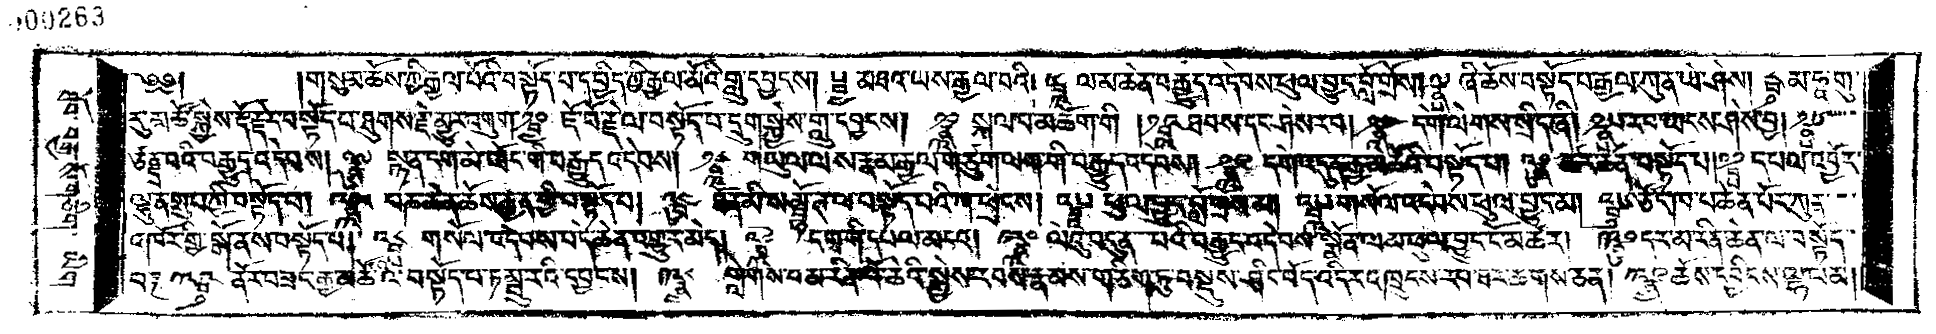༄༅། །གསུམ་ཆོས་ཀྱི་རྒྱལ་པོའི་བསྟོད་པ་དཔྱིད་ཀྱི་རྒྱལ་མོའི་གླུ་དབྱངས། ༥བ༤་མཐའ་ཡས་རྒྱལ་བའི། ༦བ༣་ལམ་ཆེན་བརྒྱུད་འདེབས་ཕུལ་བྱུང་བློ་གྲོས། ༧ན༥་ཞི་ཆོས་བསྟོད་པ་རྒྱལ་ཀུན་ཡེ་ཤེས། ༨བ༡་མ་ཧཱ་གུ་
རུ་མཚོ་སྐྱེས་རྡོ་རྗེར་བསྟོད་པ་ཐུགས་རྗེ་མྱུར་འགུག ༡༠བ༤་ཇོ་བོ་རྗེ་ལ་བསྟོད་པ་དྲུག་སྐྱེས་གླུ་དབྱངས། ༡༡ན༣་སྐལ་བ་མཆོག་གི །༡༢བ༣་ཐབས་དང་ཤེས་རབ། ༡༤ན༢་དགེ་ལེགས་སྲིད་ཞི། ༡༥ན༥་རབ་ཡངས་ཤེས་བྱ། ༡༦ན༥
ཙནྡྲ་བའི་བརྒྱུད་འདེབས། ༡༧ན༦་སྙན་ངག་མེ་ལོང་གི་བརྒྱུད་འདེབས། ༡༨ན༣་གཡུལ་ལས་རྣམ་རྒྱལ་གཙུག་ལག་གི་བརྒྱུད་འདེབས། ༡༩ན༣་དགེ་འདུན་རྒྱ་མཚོའི་བསྟོད་པ། ༢༠ན༦་ཚར་ཆན་བསྟོད་པ། ༢༡བ༥་དཔལ་འབྱོར་
ལྷུན་གྲུབ་ཀྱི་བསྟོད་པ། ༢༣ན༣་པཎ་ཆེན་ཆོས་རྒྱན་གྱི་བསྟོད་པ། ༢༤བ༦་ཐོན་མི་སམྦྷོ་ཊ་ལ་བསྟོད་པའི་ཀ་ཕྲེངས། ༢༥བ༢་ཕུལ་བྱུང་བློ་གྲོས་མ། ༢༥བ༣་གསོལ་འདེབས་ཕུལ་བྱུང་མ། ༢༦བ༡་ཙོང་ཁ་པ་ཆེན་པོར་ཀུན་
འཁོར་གྱི་སྒོ་ནས་བསྟོད་པ། ༢༨བ༥་གསོལ་འདེབས་བདེ་ཆེན་འགྱུར་མེད། ༢༩བ༣་ངག་གི་དཔལ་མངའ། ༣༠ན༣་ལེའུ་བདུན་པའི་བརྒྱུད་འདེབས་སྨོན་ལམ་ཕུལ་བྱུང་ངོ་མཚར། ༣༡བ༦་དར་མ་རིན་ཆེན་ལ་བསྟོད་
པ༑ ༣༢བ༡་ནོར་བཟང་རྒྱ་མཚོའི་བསྟོད་པ་ཏམྦུ་རའི་དབྱངས། ༣༨ན༤་གླེགས་བམ་རིན་པོ་ཆེའི་སྐྱེས་རབས་རྣམས་གཅིག་ཏུ་བསྡུས་ཤིང་པོད་འདིར་འཁྲུངས་རབ་ཐར་ཆགས་ཅན། ༣༩ན༤་ཆོས་དབྱིངས་ལྷ་ལམ།